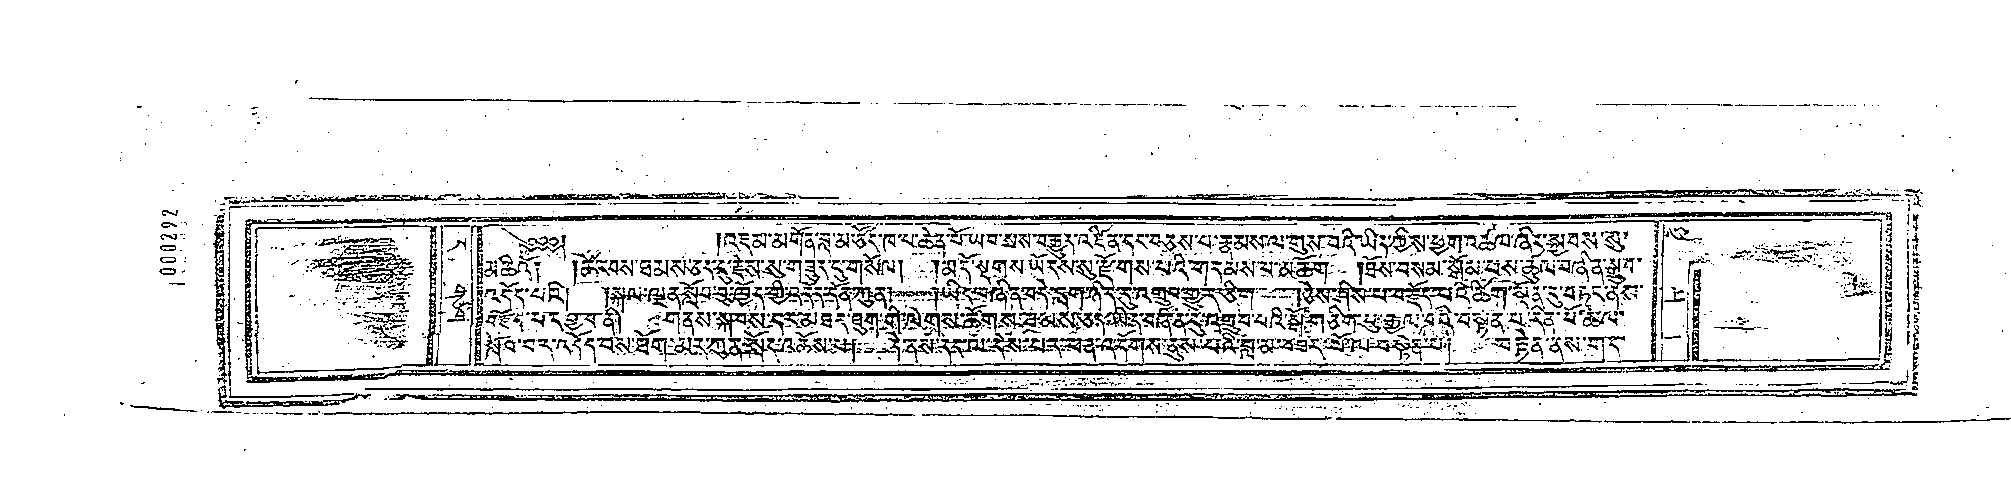༄༅༅། །འཇམ་མགོན་བླ་མ་ཙོང་ཁ་པ་ཆེན་པོ་ཡབ་སྲས་བརྒྱུད་འཛིན་དང་བཅས་པ་རྣམས་ལ་གུས་པའི་ཡིད་ཀྱིས་ཕྱག་འཚལ་ཞིང་སྐྱབས་སུ་
མཆིའོ། །ཚེ་རབས་ཐམས་ཅད་དུ་རྗེས་སུ་གཟུང་དུ་གསོལ། །མདོ་སྔགས་ཡོངས་སུ་རྫོགས་པའི་གདམས་པ་མཆོག །ཐོས་བསམ་སྒོམ་པས་ཚུལ་བཞིན་སྒྲུབ་
འདོད་པའི། །སྐལ་ལྡན་སློབ་བུ་ཁྱོད་ཀྱི་འདོད་དོན་ཀུན། །ཡིད་བཞིན་བདེ་རླག་ཉིད་དུ་འགྲུབ་གྱུར་ཅིག །ཅེས་ཤིས་པ་བརྗོད་པའི་ཚིག་སྡོན་དུ་བཏང་ནས་
བརྗོད་པར་བྱ་བ་ནི། གནས་སྐབས་དང་མཐར་ཐུག་གི་ལེགས་ཚོགས་ཐམས་ཅད་ཡིད་བཞིན་དུ་འགྲུབ་པའི་སྒོ་གཅིག་པུ་རྒྱལ་བའི་བསྟན་པ་རིན་པོ་ཆེལ་
སློབ་བར་འདོད་བས་ཐོག་མར་ཀུན་སློང་འཆོས་པ། དེ་ནས་རང་ལ་ངེས་པར་ཕན་འདོགས་ནུས་པའི་བླ་མ་བཟང་པོ་ལ་བསྟེན་པ། བརྟེན་ནས་གང་